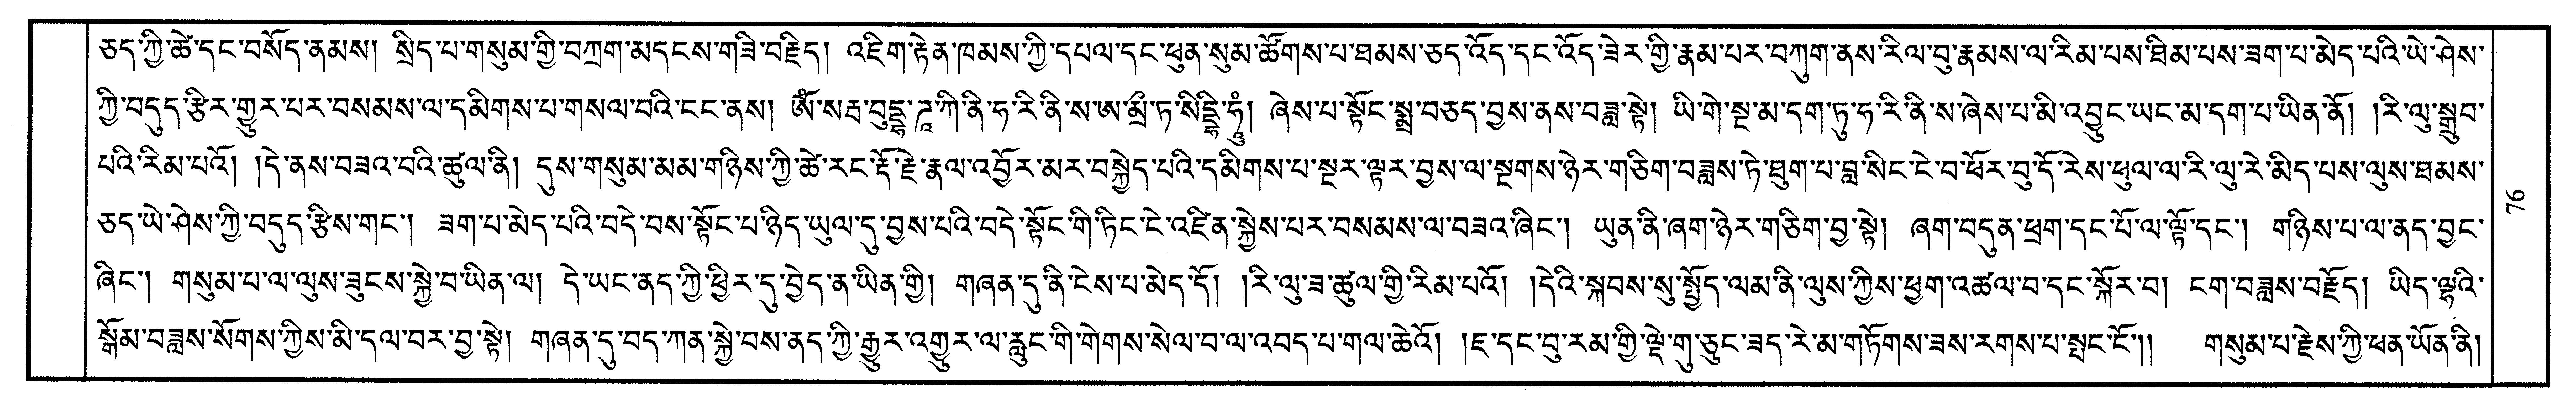ཅད་ཀྱི་ཚེ་དང་བསོད་ནམས། སྲིད་པ་གསུམ་གྱི་བཀྲག་མདངས་གཟི་བརྗིད། འཇིག་རྟེན་ཁམས་ཀྱི་དཔལ་དང་ཕུན་སུམ་ཚོགས་པ་ཐམས་ཅད་འོད་དང་འོད་ཟེར་གྱི་རྣམ་པར་བཀུག་ནས་རིལ་བུ་རྣམས་ལ་རིམ་པས་ཐིམ་པས་ཟག་པ་མེད་པའི་ཡེ་ཤེས་
ཀྱི་བདུད་རྩིར་གྱུར་པར་བསམས་ལ་དམིགས་པ་གསལ་བའི་ངང་ནས། ཨོཾ་སརྦ་བུདྡྷ་ཌཱ་ཀི་ནི་ཧ་རི་ནི་ས་ཨ་མྲྀ་ཏ་སིདྡྷི་ཧཱུཾ། ཞེས་པ་སྟོང་སྨྲ་བཅད་བྱས་ནས་བཟླ་སྟེ། ཡི་གེ་སྔ་མ་དག་ཏུ་ཧ་རི་ནི་ས་ཞེས་པ་མི་འབྱུང་ཡང་མ་དག་པ་ཡིན་ནོ། །རི་ལུ་སྒྲུབ་
པའི་རིམ་པའོ། །དེ་ནས་བཟའ་བའི་ཚུལ་ནི། དུས་གསུམ་མམ་གཉིས་ཀྱི་ཚེ་རང་རྡོ་རྗེ་རྣལ་འབྱོར་མར་བསྐྱེད་པའི་དམིགས་པ་སྔར་ལྟར་བྱས་ལ་སྔགས་ཉེར་གཅིག་བཟླས་ཏེ་ཐུག་པ་བླ་སིང་ངེ་བ་ཕོར་བུ་དོ་རེས་ཕུལ་ལ་རི་ལུ་རེ་མིད་པས་ལུས་ཐམས་
ཅད་ཡེ་ཤེས་ཀྱི་བདུད་རྩིས་གང་། ཟག་པ་མེད་པའི་བདེ་བས་སྟོང་པ་ཉིད་ཡུལ་དུ་བྱས་པའི་བདེ་སྟོང་གི་ཏིང་ངེ་འཛིན་སྐྱེས་པར་བསམས་ལ་བཟའ་ཞིང་། ཡུན་ནི་ཞག་ཉེར་གཅིག་བྱ་སྟེ། ཞག་བདུན་ཕྲག་དང་པོ་ལ་ལྟོ་དང་། གཉིས་པ་ལ་ནད་བྱང་
ཞིང་། གསུམ་པ་ལ་ལུས་ཟུངས་སྐྱེ་བ་ཡིན་ལ། དེ་ཡང་ནད་ཀྱི་ཕྱིར་དུ་བྱེད་ན་ཡིན་གྱི། གཞན་དུ་ནི་ངེས་པ་མེད་དོ། །རི་ལུ་ཟ་ཚུལ་གྱི་རིམ་པའོ། །དེའི་སྐབས་སུ་སྤྱོད་ལམ་ནི་ལུས་ཀྱིས་ཕྱག་འཚལ་བ་དང་སྐོར་བ། ངག་བཟླས་བརྗོད། ཡིད་ལྷའི་
སྒོམ་བཟླས་སོགས་ཀྱིས་མི་དལ་བར་བྱ་སྟེ། གཞན་དུ་བད་ཀན་སྐྱེ་བས་ནད་ཀྱི་རྒྱུར་འགྱུར་ལ་རླུང་གི་གེགས་སེལ་བ་ལ་འབད་པ་གལ་ཆེའོ། །ཇ་དང་བུ་རམ་གྱི་ལྡེ་གུ་ཅུང་ཟད་རེ་མ་གཏོགས་ཟས་རགས་པ་སྤང་ངོ།། གསུམ་པ་རྗེས་ཀྱི་ཕན་ཡོན་ནི།